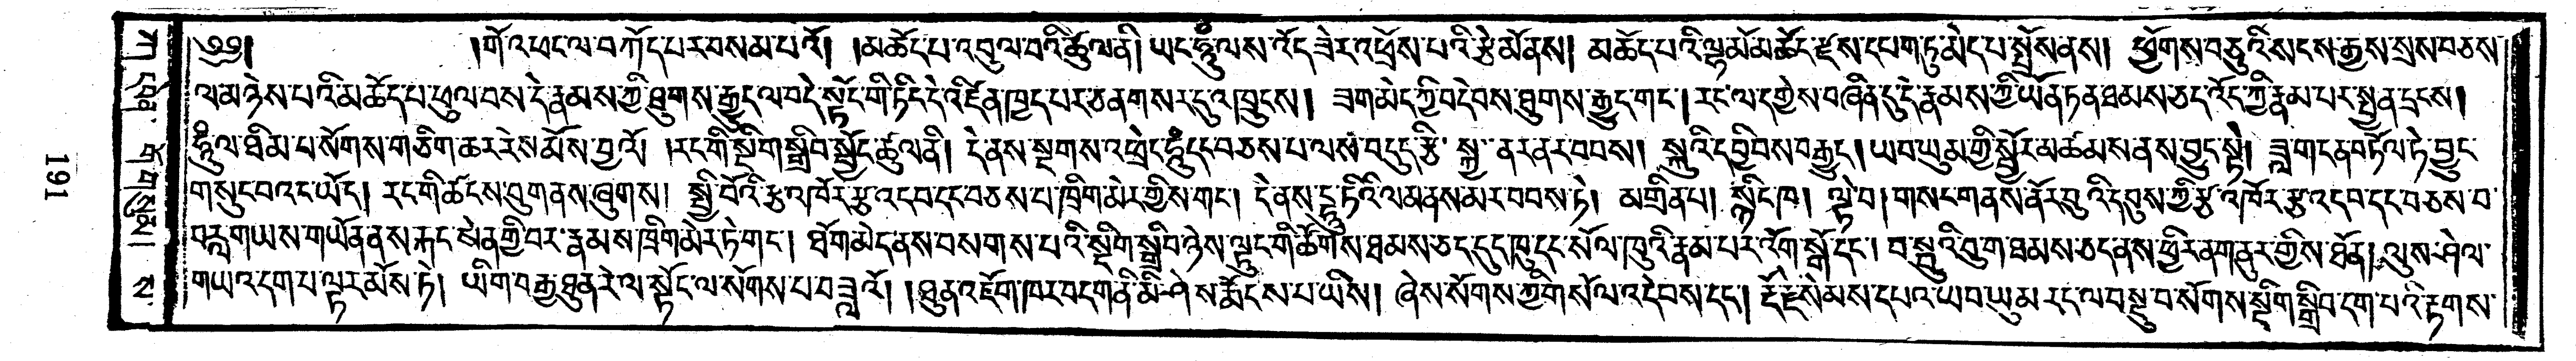༄༅། །གོ་འཕང་ལ་བཀོད་པར་བསམ་པའོ། །མཆོད་པ་འབུལ་བའི་ཚུལ་ནི། ཡང་ཧཱུཾ་ལས་འོད་ཟེར་འཕྲོས་པའི་རྩེ་མོ་ནས། མཆོད་པའི་ལྷ་མོ་མཆོད་རྫས་དཔག་ཏུ་མེད་པ་སྤྲོས་ནས། ཕྱོགས་བཅུའི་སངས་རྒྱས་སྲས་བཅས་
ལ་མཉེས་པའི་མཆོད་པ་ཕུལ་བས་དེ་རྣམས་ཀྱི་ཐུགས་རྒྱུད་ལ་བདེ་སྟོང་གི་ཏིང་དེ་འཛིན་ཁྱད་པར་ཅན་གསར་དུ་འཁྲུངས། ཟག་མེད་ཀྱི་བདེ་བས་ཐུགས་རྒྱུད་གང་། རང་ལ་དགྱེས་བཞིན་དུ་དེ་རྣམས་ཀྱི་ཡོན་ཏན་ཐམས་ཅད་འོད་ཀྱི་རྣམ་པར་སྤྱན་དྲངས།
ཧཱུཾ་ལ་ཐིམ་པ་སོགས་གཅིག་ཆར་རེས་མོས་བྱའོ། །རང་གི་སྡིག་སྒྲིབ་སྦྱོང་ཚུལ་ནི། དེ་ནས་སྔགས་འཕྲེང་ཧཱུཾ་དང་བཅས་པ་ལས་བདུད་རྩི་སྐྱ་ནར་ནར་བབས། སྐུའི་དབྱིབས་བརྒྱུད། ཡབ་ཡུམ་གྱི་སྦྱོར་མཚམས་ནས་བྱུང་སྟེ། ཟླ་གདན་བཏོལ་ཏེ་བྱུང་
གསུང་བའང་ཡོད། རང་གི་ཚངས་བུ་གནས་ཞུགས། སྤྱི་བོའི་རྩ་འཁོར་རྩ་འདབ་དང་བཅས་པ་ཁྲིག་མེར་གྱིས་གང་། དེ་ནས་དྷཱུ་ཏིའི་ལམ་ནས་མར་བབས་ཏེ། མགྲིན་པ། སྙིང་ཁ། ལྟེ་བ། གསང་གནས་ནོར་བུའི་དབུས་ཀྱི་རྩ་འཁོར་རྩ་འདབ་དང་བཅས་བ་
བརླ་གཡས་གཡོན་ནས་རྐང་སེན་གྱི་བར་རྣམས་ཁྲིག་མེར་ཏེ་གང་། ཐོག་མེད་ནས་བསགས་པའི་སྡིག་སྒྲིབ་ཉེས་ལྟུང་གི་ཚོགས་ཐམས་ཅད་དུང་ཁུ་དང་སོལ་ཁུའི་རྣམ་པར་འོག་སྒོ་དང་། བ་སྦུའི་བུ་ག་ཐམས་ཅད་ནས་ཕྱིར་ནག་ནུར་གྱིས་ཐོན། ལུས་ཤེལ་
གཡའ་དག་པ་ལྟར་མོས་ཏེ། ཡིག་བརྒྱ་ཐུན་རེ་ལ་སྟོང་ལ་སོགས་པ་བཟླའོ། །ཐུན་འཇོག་ཁར་བདག་ནི་མི་ཤེས་རྨོངས་པ་ཡིས། ཞེས་སོགས་ཀྱི་གསོལ་འདེབས་དང་། རྡོ་རྗེ་སེམས་དཔའ་ཡབ་ཡུམ་རང་ལ་བསྡུ་བ་སོགས་སྡིག་སྒྲིབ་དག་པའི་རྟགས་